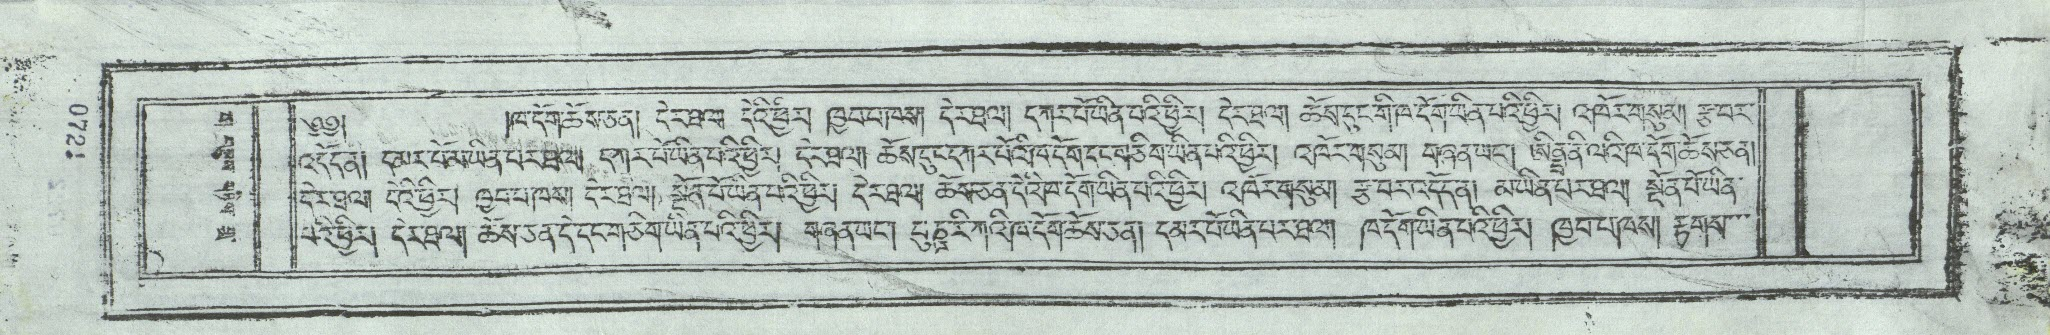༄༅། །ཁ་དོག་ཆོས་ཅན། དེར་ཐལ། དེའི་ཕྱིར། ཁྱབ་པ་ཁས། དེར་ཐལ། དཀར་པོ་ཡིན་པའི་ཕྱིར། དེར་ཐལ། ཆོས་དུང་གི་ཁ་དོག་ཡིན་པའི་ཕྱིར། འཁོར་གསུམ། རྩ་བར་
འདོད་ན། དམར་པོ་མ་ཡིན་པར་ཐལ། དཀར་པོ་ཡིན་པའི་ཕྱིར། དེར་ཐལ། ཆོས་དུང་དཀར་པོའི་ཁ་དོག་དང་གཅིག་ཡིན་པའི་ཕྱིར། འཁོར་གསུམ། གཞན་ཡང་། ཨིནྡྲ་ནི་ལའི་ཁ་དོག་ཆོས་ཅན།
དེར་ཐལ། དེའི་ཕྱིར། ཁྱབ་པ་ཁས། དེར་ཐལ། སྔོན་པོ་ཡིན་པའི་ཕྱིར། དེར་ཐལ། ཆོས་ཅན་དེའི་ཁ་དོག་ཡིན་པའི་ཕྱིར། འཁོར་གསུམ། རྩ་བར་འདོད་ན། མ་ཡིན་པར་ཐལ། སྔོན་པོ་ཡིན་
པའི་ཕྱིར། དེར་ཐལ། ཆོས་ཅན་དེ་དང་གཅིག་ཡིན་པའི་ཕྱིར། གཞན་ཡང་། པུཎྜ་རི་ཀའི་ཁ་དོག་ཆོས་ཅན། དམར་པོ་ཡིན་པར་ཐལ། ཁ་དོག་ཡིན་པའི་ཕྱིར། ཁྱབ་པ་ཁས། རྟགས་